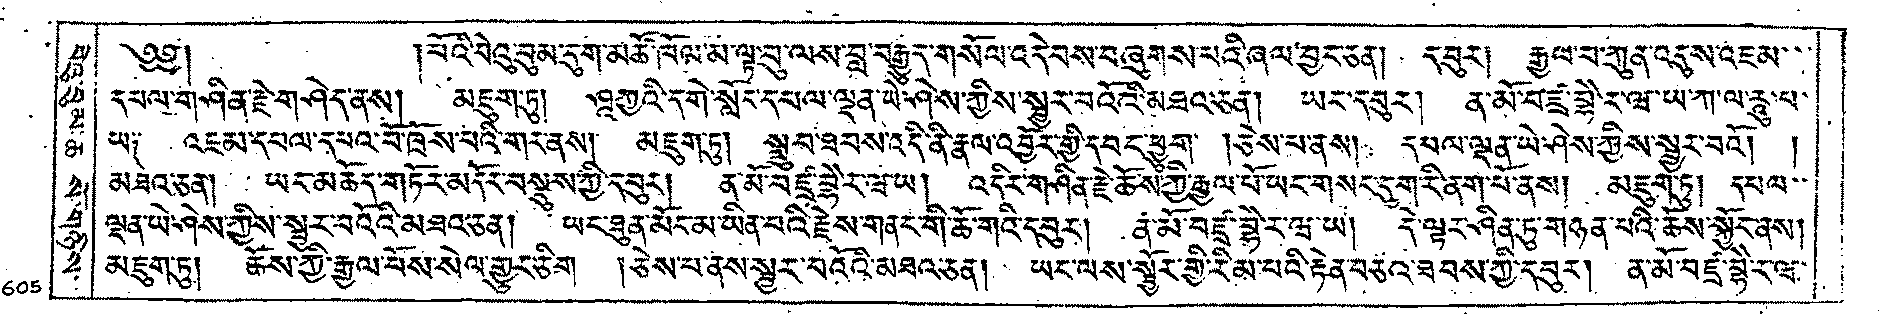༄༅། །པོའི་བེའུ་བུམ་དུག་མཚོ་ཁོལ་མ་ལྟ་བུ་ལས་བླ་བརྒྱུད་གསོལ་འདེབས་བཞུགས་པའི་ཞལ་བྱང་ཅན། དབུར། རྒྱལ་བ་ཀུན་འདུས་འཇམ་
དཔལ་གཤིན་རྗེ་གཤེད་ནས། མཇུག་ཏུ། ཤཱཀྱའི་དགེ་སློང་དཔལ་ལྡན་ཡེ་ཤེས་ཀྱིས་སྦྱར་བའོའི་མཐའ་ཅན། ཡང་དབུར། ན་མོ་བཛྲ་བྷཻ་ར་ཝ་ཡ་ཀ་ལ་རཱུ་པ་
ཡ༑ འཇམ་དཔལ་དཔའ་བོ་ཁྲོས་པའི་གར་ནས། མཇུག་ཏུ། སྒྲུབ་ཐབས་འདི་ནི་རྣལ་འབྱོར་གྱི་དབང་ཕྱུག །ཅེས་པ་ནས། དཔལ་ལྡན་ཡེ་ཤེས་ཀྱིས་སྦྱར་བའོ། །
མཐའ་ཅན། ཡང་མཆོད་གཏོར་མདོར་བསྡུས་ཀྱི་དབུར། ན་མོ་བཛྲ་བྷཻ་ར་ཝ་ཡ། འདིར་གཤིན་རྗེ་ཆོས་ཀྱི་རྒྱལ་པོ་ཡང་གསང་དུག་རི་ནག་པོ་ནས། མཇུག་ཏུ། དཔལ་
ལྡན་ཡེ་ཤེས་ཀྱིས་སྦྱར་བའོའི་མཐའ་ཅན། ཡང་ཐུན་མོང་མ་ཡིན་པའི་རྗེས་གནང་གི་ཆོ་གའི་དབུར། ན་མོ་བཛྲ་བྷཻ་ར་ཝ་ཡ། དེ་ལྟར་ཤིན་ཏུ་གཉན་པའི་ཆོས་སྐྱོང་ནས།
མཇུག་ཏུ། ཆོས་ཀྱི་རྒྱལ་པོས་སེལ་གྱུར་ཅིག །ཅེས་པ་ནས་སྦྱར་བའོའི་མཐའ་ཅན། ཡང་ལས་སྦྱོར་གྱི་རིམ་པའི་རྟེན་བཅའ་ཐབས་ཀྱི་དབུར། ན་མོ་བཛྲ་བྷཻ་ར་ཝ་